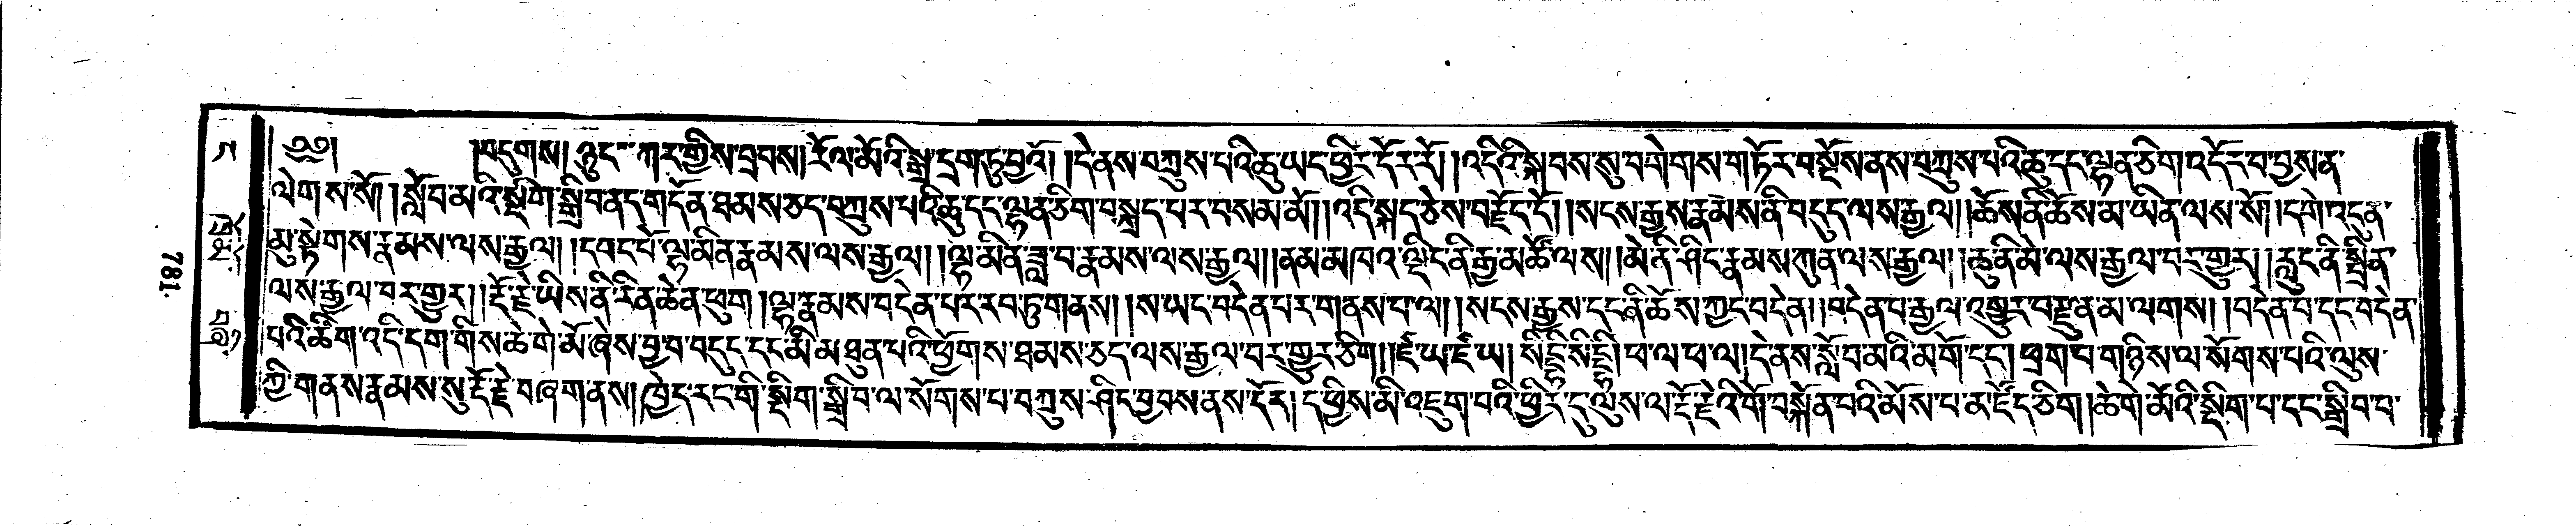༄༅། །བདུགས། ཉུང་ཀར་གྱིས་བྲབས། རོལ་མོའི་སྒྲ་དྲག་ཏུ་བྱའོ། །དེ་ནས་བཀྲུས་པའི་ཆུ་ཡང་ཕྱིར་དོར་རོ། །འདིའི་སྐབས་སུ་བགེགས་གཏོར་བསྔོས་ནས་བཀྲུས་པའི་ཆུ་དང་ལྷན་ཅིག་འདོར་བ་བྱས་ན་
ལེགས་སོ། །སློབ་མའི་སྡིག་སྒྲིབ་ནད་གདོན་ཐམས་ཅད་བཀྲུས་པའི་ཆུ་དང་ལྷན་ཅིག་བསྐྲད་པར་བསམ་མོ། །འདི་སྐད་ཅེས་བརྗོད་དོ། །སངས་རྒྱས་རྣམས་ནི་བདུད་ལས་རྒྱལ། །ཆོས་ནི་ཆོས་མ་ཡིན་ལས་སོ། །དགེ་འདུན་
མུ་སྟེགས་རྣམས་ལས་རྒྱལ། །དབང་པོ་ལྷ་མིན་རྣམས་ལས་རྒྱལ། །ལྷ་མིན་ཟླ་བ་རྣམས་ལས་རྒྱལ། །ནམ་མཁའ་ལྡིང་ནི་རྒྱ་མཚོ་ལས། །མེ་ནི་ཤིང་རྣམས་ཀུན་ལས་རྒྱལ། །ཆུ་ནི་མེ་ལས་རྒྱལ་བར་གྱུར། །རླུང་ནི་སྤྲིན་
ལས་རྒྱལ་བར་གྱུར། །རྡོ་རྗེ་ཡིས་ནི་རིན་ཆེན་ཕུག །ལྷ་རྣམས་བདེན་པར་རབ་ཏུ་གནས། །ས་ཡང་བདེན་པར་གནས་པ་ལ། །སངས་རྒྱས་དང་ནི་ཆོས་ཀྱང་བདེན། །བདེན་པ་རྒྱལ་འགྱུར་བརྫུན་མ་ལགས། །བདེན་པ་དང་བདེན་
པའི་ཚིག་འདི་དག་གིས་ཆེ་གེ་མོ་ཞེས་བྱ་བ་བདུད་དང་མི་མཐུན་པའི་ཕྱོགས་ཐམས་ཅད་ལས་རྒྱལ་བར་གྱུར་ཅིག །ཛ་ཡ་ཛ་ཡ། སིངྔྷི་སིངྡྷི། ཕ་ལ་ཕ་ལ། དེ་ནས་སློབ་མའི་མགོ་དང་། ཕྲག་པ་གཉིས་ལ་སོགས་པའི་ལུས་
ཀྱི་གནས་རྣམས་སུ་རྡོ་རྗེ་བཞག་ནས། ཁྱེད་རང་གི་སྡིག་སྒྲིབ་ལ་སོགས་པ་བཀྲུས་ཤིང་བྱབས་ནས་དོར། ད་ཕྱིས་མི་འཇུག་པའི་ཕྱིར་དུ་ལུས་ལ་རྡོ་རྗེའི་གོ་བསྐོན་པའི་མོས་པ་མཛོད་ཅིག །ཆེ་གེ་མོའི་སྡིག་པ་དང་སྒྲིབ་པ་